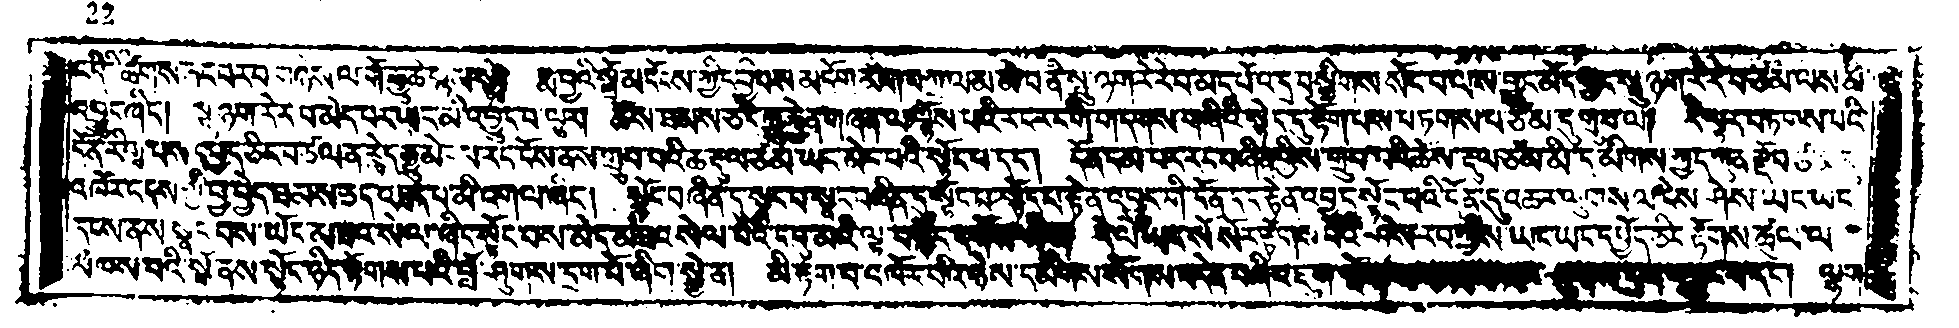འདིའི་ཚིགས་རྐང་པར་བ་གཉིས་ལ་གོ་རྒྱུ་ཆེ་སྙམ་སྟེ། རྨ་བྱའི་སྒྲོ་མདོངས་ཀྱི་དབྱིབས་མདོག་མིག་བཀྲ་ལམ་མེ་བ་ནི་སྤུ་ཉག་རེ་རེ་བ་མང་པོ་འདྲ་བསྒྲིགས་སོང་བ་ལས་བྱུང་མོད་ཀྱང་སྤུ་ཉག་རེ་རེ་བ་ཙམ་ལས་མི་
འབྱུང་ཞིང་། སྤུ་ཉག་རེ་རེ་བ་མེད་པར་ཡང་མི་འབྱུང་བ་ལྟར། ཆོས་ཐམས་ཅད་རྒྱུ་རྐྱེན་གཞན་ལ་ལྟོས་པའི་རང་རང་གི་གདགས་གཞིའི་སྟེང་དུ་རྟོག་པས་བཏགས་པ་ཙམ་དུ་གྲུབ་ལ། དེ་ལྟར་བཏགས་པའི་
དོན་རིགས་པས་དཔྱད་ཅིང་བཙལ་ན་རྙེད་རྒྱུ་མེད་པ་རང་ངོས་ནས་གྲུབ་པའི་ཆ་རྡུལ་ཙམ་ཡང་མེད་པའི་སྟོང་པ་དང་། དོན་དམ་པར་རང་བཞིན་གྱིས་གྲུབ་པའི་ཆོས་རྡུལ་ཙམ་མི་དམིགས་ཀྱང་ཀུན་རྫོབ་ཙམ་དུ་
འཁོར་འདས་ཀྱི་བྱ་བྱེད་ཐམས་ཅད་འཐད་པ་མི་འགལ་ཞིང་། སྟོང་བཞིན་དུ་སྣང་བ་སྣང་བཞིན་དུ་སྟོང་པ་སྟོང་པ་རྟེན་འབྱུང་གི་དོན་དང་རྟེན་འབྱུང་སྟོང་པའི་དོན་དུ་འཆར་ལུགས་ལ་ངེས་ཤེས་ཡང་ཡང་
དངས་ནས་སྣང་བས་ཡོད་མཐའ་སེལ་ཞིང་སྟོང་བས་མེད་མཐའ་སེལ་བའི་དབུ་མའི་ལྟ་བ་རྙེད་དགོས་ཤིང་། དེ་ལ་ཡང་སོ་སོར་རྟོགས་པའི་ཤེས་རབ་ཀྱིས་ཡང་ཡང་དཔྱོད་ཅིང་རྟོགས་ཚུལ་ལ་
མཁས་པའི་སྒོ་ནས་སྟོང་ཉིད་རྟོགས་པའི་བློ་ཤུགས་དྲག་པོ་ཞིག་སྐྱེ་ན། མི་རྟག་པ་འཁོར་བའི་ཉེས་དམིགས་སོགས་བདེན་བཞི་འཇུག་ལྡོག་ལ་འབད་པ་ཡང་ཤུགས་དྲག་འབྱུང་བ་དང་། ལྷག་